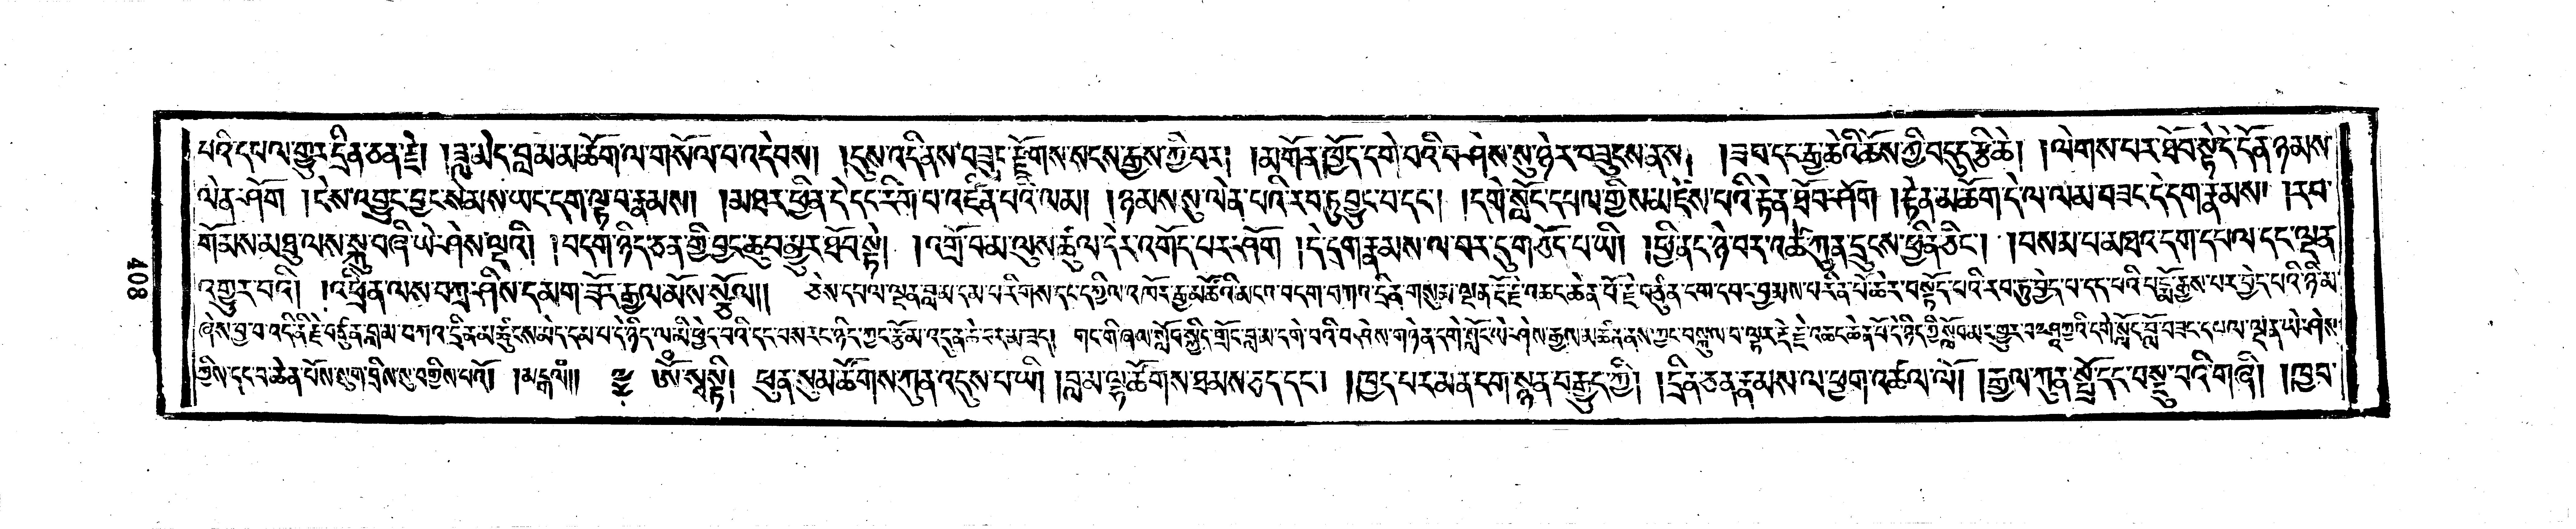པའི་དཔལ་གྱུར་དྲིན་ཅན་རྗེ། །ཟླ་མེད་བླ་མ་མཆོག་ལ་གསོལ་བ་འདེབས། །དུས་འདི་ནས་བཟུང་རྫོགས་སངས་རྒྱས་ཀྱི་བར། །མགོན་ཁྱོད་དགེ་བའི་བཤེས་སུ་ཉེར་བཟུངས་ནས། །ཟབ་དང་རྒྱ་ཆེའི་ཆོས་ཀྱི་བདུད་རྩི་ཆེ། །ལེགས་པར་ཐོབ་སྟེ་དེ་དོན་ཉམས་
ལེན་ཤོག །ངེས་འབྱུང་བྱང་སེམས་ཡང་དག་ལྟ་བ་རྣམས། །མཐར་ཕྱིན་དེ་དང་རིག་པ་འཛིན་པའི་ལམ། །ཉམས་སུ་ལེན་པའི་རབ་ཏུ་བྱུང་བ་དང་། །དགེ་སློང་དཔལ་གྱིས་མཛེས་པའི་རྟེན་ཐོབ་ཤོག །རྟེན་མཆོག་དེ་ལ་ལམ་བཟང་དེ་དག་རྣམས། །རབ་
གོམས་མཐུ་ལས་སྐུ་བཞི་ཡེ་ཤེས་ལྔའི། །བདག་ཉིད་ཅན་གྱི་བྱང་ཆུབ་མྱུར་ཐོབ་སྟེ། །འགྲོ་བ་མ་ལུས་ཚུལ་དེར་འགོད་པར་ཤོག །དེ་དག་རྣམས་ལ་བར་དུ་གཅོད་པ་ཡི། །ཕྱི་ནང་ཉེ་བར་འཚེ་ཀུན་དྲུངས་ཕྱིན་ཅིང་། །བསམ་པ་མཐའ་དག་དཔལ་དང་ལྡན་
འགྱུར་བའི། །འཕྲིན་ལས་བཀྲ་ཤིས་དམག་ཟོར་རྒྱལ་མོས་སྩོལ།། ཅེས་དཔལ་ལྡན་བླ་མ་དམ་པ་རིགས་དང་དཀྱིལ་འཁོར་རྒྱ་མཚོའི་མངའ་བདག་བཀའ་དྲིན་གསུམ་ལྡན་རྡོ་རྗེ་འཆང་ཆེན་པོ་རྗེ་བཙུན་ངག་དབང་བྱམས་པ་རིན་པོ་ཆེར་བསྟོད་པའི་རབ་ཏུ་བྱེད་པ་དད་པའི་པདམོ་རྒྱས་པར་བྱེད་པའི་ཉི་མ་
ཞེས་བྱ་བ་འདི་ནི་རྗེ་བཙུན་བླ་མ་བཀའ་དྲིན་མཚུངས་མེད་དམ་པ་དེ་ཉིད་ལ་མི་ཕྱེད་བའི་དང་བས་རང་ཉིད་ཀྱང་རྩོམ་འདུན་ཆེ་བར་མ་ཟད། གང་གི་ཞལ་སློབ་སྐྱིད་གྲོང་བླ་མ་དགེ་བའི་བཤེས་གཉེན་དགེ་སློང་ཡེ་ཤེས་རྒྱལ་མཚན་ནས་ཀྱང་བསྐུལ་བ་ལྟར་རྡོ་རྗེ་འཆང་ཆེན་པོ་དེ་ཉིད་ཀྱི་སློབ་མར་གྱུར་བ་༧་ཤཱཀྱའི་དགེ་སློང་བློ་བཟང་དཔལ་ལྡན་ཡེ་ཤེས་
ཀྱིས་དང་བ་ཆེན་པོས་སུག་བྲིས་སུ་བགྱིས་པའོ། །མངྒ་ལཾ།། ༈ ཨོཾ་སྭ་སྟི། ཕུན་སུམ་ཚོགས་ཀུན་འདུས་པ་ཡི། །བླ་མ་ལྷ་ཚོགས་ཐམས་ཅད་དང་། །ཁྱད་པར་མན་ངག་སྙན་བརྒྱུད་ཀྱི། །དྲིན་ཅན་རྣམས་ལ་ཕྱག་འཚལ་ལོ། །རྒྱལ་ཀུན་སྤྲོ་དང་བསྡུ་བའི་གཞི། །ཁྱབ་